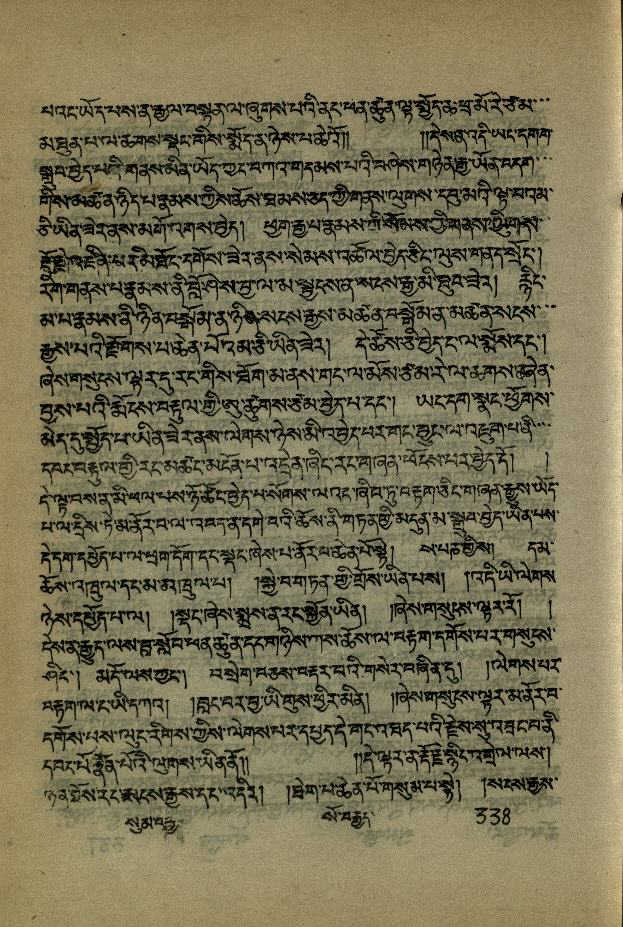པའང་ཡོད་པས་ན་རྒྱལ་བསྟན་ལ་ཞུགས་པའི་ནང་ཕན་ཚུན་ལྟ་སྤྱོད་ཆ་ཕྲ་མོ་རེ་ཙམ་
མཐུན་པ་ལ་ཆགས་སྡང་གིས་སྨོད་ན་ཉེས་པ་ཆེའོ།། །།དེས་ན་འདི་ཡང་དགག་
སྒྲུབ་བྱེད་པའི་གནས་མིན་ཡོད་ཀྱང་བཀའ་གདམས་པའི་བཤེས་གཉེན་རྒྱ་ཡོན་བདག་
གིས་མཚན་ཉིད་པ་རྣམས་ཀྱིས་ཆོས་ཐམས་ཅད་ཀྱི་གནས་ལུགས་དབུ་མའི་ལྟ་བའམ་
ཅི་ཡིན་ཟེར་ནས་མགོ་འགས་བྱེད། ཕྱག་རྒྱ་པ་རྣམས་ཀི་སོམས་ཀྱི་གནས་ལུགས་
རྡོ་རྗེ་འཛིན་པར་མི་ཐོང་དགོས་ཟེར་ནས་སེམས་འཚོལ་བྱེད་ཅིང་ལུས་གནད་སྲོང་།
རིག་གནས་པ་རྣམས་ནི་བློ་ཤེས་བྱ་ལ་མ་སྦྱངས་ན་སངས་རྒྱ་མི་ཐུབ་ཟེར། རྙིང་
མ་པ་རྣམས་ནི་ཉིན་བསྒོམ་ན་ཉིན་སངས་རྒྱས་མཚན་བསྒོམ་ན་མཚན་སངས་
རྒྱས་པའི་རྫོགས་པ་ཆེན་པོའམ་ཅི་ཡིན་ཟེར། དེ་ཚོས་ཅི་བྱེད་ང་ལ་སྨོས་དང་།
ཞེས་གསུངས་ལྟར་དུ་རང་གིས་ཐོག་མ་ནས་གང་ལ་མོས་ཙམ་རེ་ལ་ཆགས་ཞེན་
བྱས་པའི་རྨོངས་བརྟུལ་གྱི་ཨུ་ཚུགས་ཙམ་བྱེད་པ་དང་། ཡང་དག་སྣང་ཕྱོགས་
མེད་དུ་སྤྱོད་པ་ཡིན་ཟེར་ནས་ལེགས་ཉེས་མི་འབྱེད་པར་གང་བྱུང་ལ་འཇུག་པ་ནི་
དབང་བརྟུལ་གྱི་རང་མཚང་མངོན་པ་འདྲེན་ཞིང་རང་གཞན་ཕོངས་པར་བྱེད་དོ། །
དེ་ལྟ་བས་ན་མི་ཕལ་པས་ཉོ་ཚོང་བྱེད་པ་སོགས་ལའང་ཞིབ་ཏུ་བརྟག་ཅིང་གཞན་རྒྱུས་ཡོད་
པ་ལ་དྲིས་ཏེ་མ་ནོར་བ་ལ་འབད་ན་དགེ་བའི་ཆོས་ནི་གཏན་གྱི་མདུན་མ་སྒྲུབ་བྱེད་ཡིན་པས་
དེ་དག་དཔྱོད་པ་ལ་ཕྲག་དོག་དང་སྡང་ཞེས་པ་ནོར་པ་ཆེན་པོ་སྟེ། ས་པཎ་གྱིས། དམ་
ཆོས་འཁྲུལ་དང་མ་འཁྲུལ་པ། །སྐྱེ་བ་གཏན་གྱི་གྲོས་ཡིན་པས། །འདི་ཡི་ལེགས་
ཉེས་དཔྱོད་པ་ལ། །སྡང་ཞེས་སྨྲས་ན་རང་སྐྱོན་ཡིན། །ཞེས་གསུངས་ལྟར་རོ།།
དེས་ན་རྒྱུད་ལས་བླ་སློབ་ཕན་ཚུན་དང་གཉིས་ཀས་ཆོས་ལ་བརྟག་དགོས་པར་གསུངས་
ཤིང་། མདོ་ལས་ཀྱང་། བསྲེག་བཅས་བརྡར་བའི་གསེར་བཞིན་དུ། །ལེགས་པར་
བརྟག་ལ་ང་ཡི་དཀའ། །བླང་བར་བྱ་ཡི་གུས་ཕྱིར་མིན། །ཞེས་གསུངས་ལྟར་མ་ནོར་བ་
དགོས་པས་ལུང་རིགས་ཀྱིས་ལེགས་པར་དཔྱད་དེ་གང་འཐད་པའི་རྗེས་སུ་འབྲང་བ་ནི་
དབང་པོ་རྣོན་པོའི་ལུགས་ཡིན་ནོ།། །།དེ་ལྟར་ན་རྡོ་རྗེ་སྙིང་འགྲེལ་ལས།
ཉན་ཐོས་རང་སངས་རྒྱས་དང་འདིར། །ཐེག་པ་ཆེན་པོ་གསུམ་པ་སྟེ། །སངས་རྒྱས་